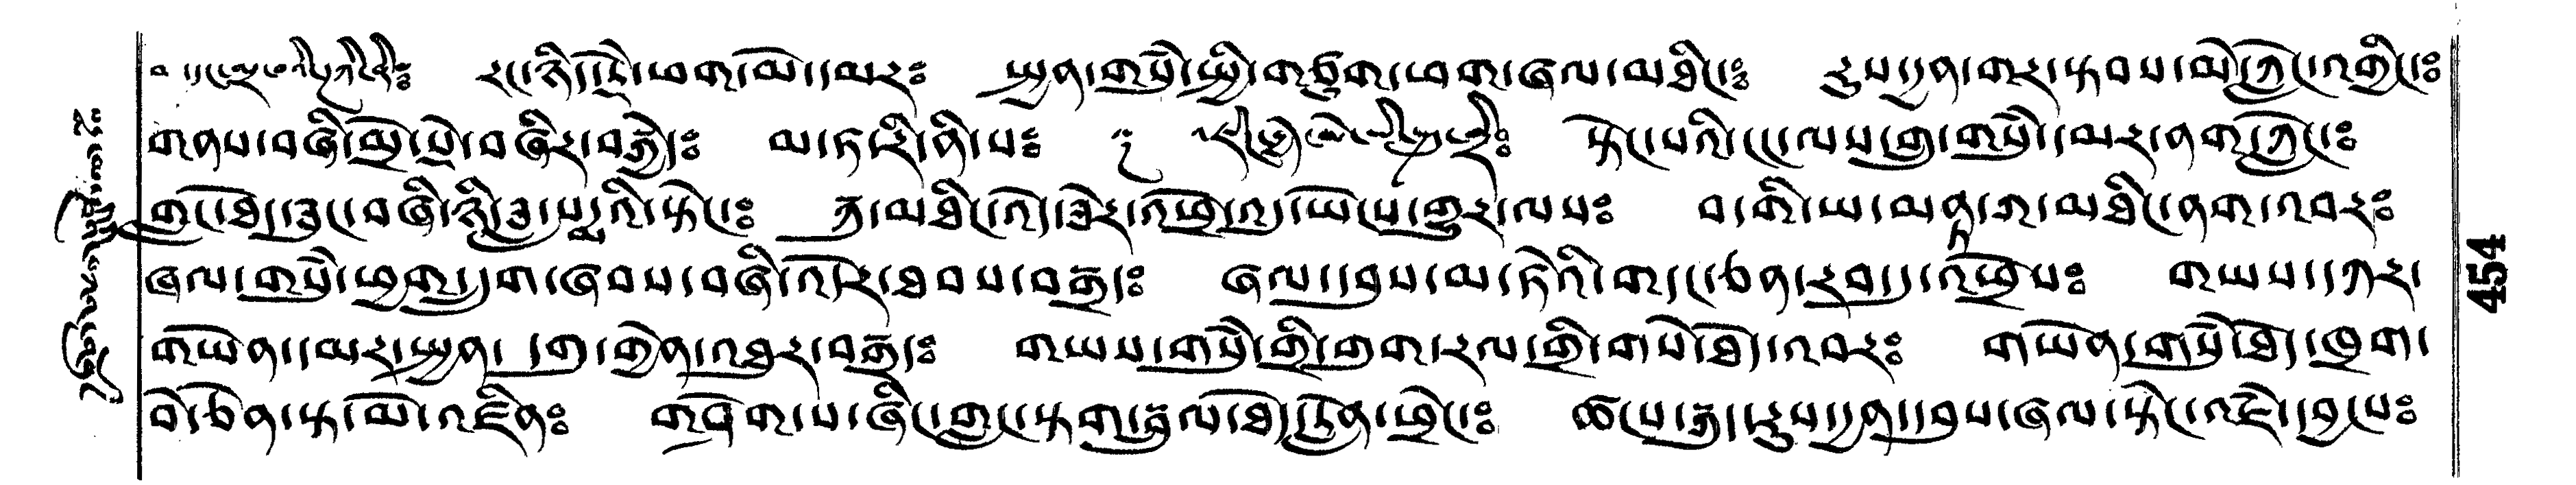མ་དང་འདྲ་བའི་ཌཱ་ཀི་ནི། རང་ཉིད་རྡོ་རྗེ་ཕག་མོ་དམར༔ སྤྱན་གསུམ་སྤྱི་གཙུག་ཕག་ཞལ་མཐིང༔ རུས་རྒྱན་གར་སྟབས་མེ་ཀློང་འགྱིང༔ 
གནས་བཞི་མཁའ་འགྲོ་སྡེ་བཞིར་བསྐྱེད༔ མ་ཧ་རི་ནི་ས༔ ༈ འཇིགས་བྱེད་མེ་ཡི་སྤུ་གྲི། སྟོང་པའི་ངང་ལས་གྲུ་གསུམ་དམར་ནག་ཀློང༔
གླང་ཐོད་ཟུང་བཞི་ཉི་ཟླ་པདྨའི་སྟེང སྐུ་མཐིང་འོད་ཟེར་འཕྲོ་འདུས་ཡོངས་གྱུར་ལསཿ བདག་ཉིད་ཡ་མནྟ་ཀ་མཐིང་ནག་འབར༔ 
ཞལ་གསུམ་ཕྱག་དྲུག་ཞབས་བཞི་འདོར་ཐབས་བསྒྲད༔ ཞལ་དབུས་མ་ཧེའི་གདང་ཅན་རབ་དུ་ཁྲོས༔ གཡས་དཀར་
གཡོན་དམར་སྤྱན་དགུ་གྱེན་འཐུར་བསྒྲད༔ གཡས་གསུམ་གྲི་གུག་རལ་གྲི་གསེ་ཐོད་འབར༔ གཡོན་གསུམ་ཐོད་ཁྲག་
བེ་ཅོན་སྟྭ་མོ་འཛིན༔ གཤོག་པ་ཞིང་གླང་སྟག་སྦྲུལ་ཐོད་རློན་ཕྲེང༔ ཚངས་སྐུད་རུས་རྒྱན་དབུས་ཞལ་སྟེང་འཇམ་དབྱངས༔